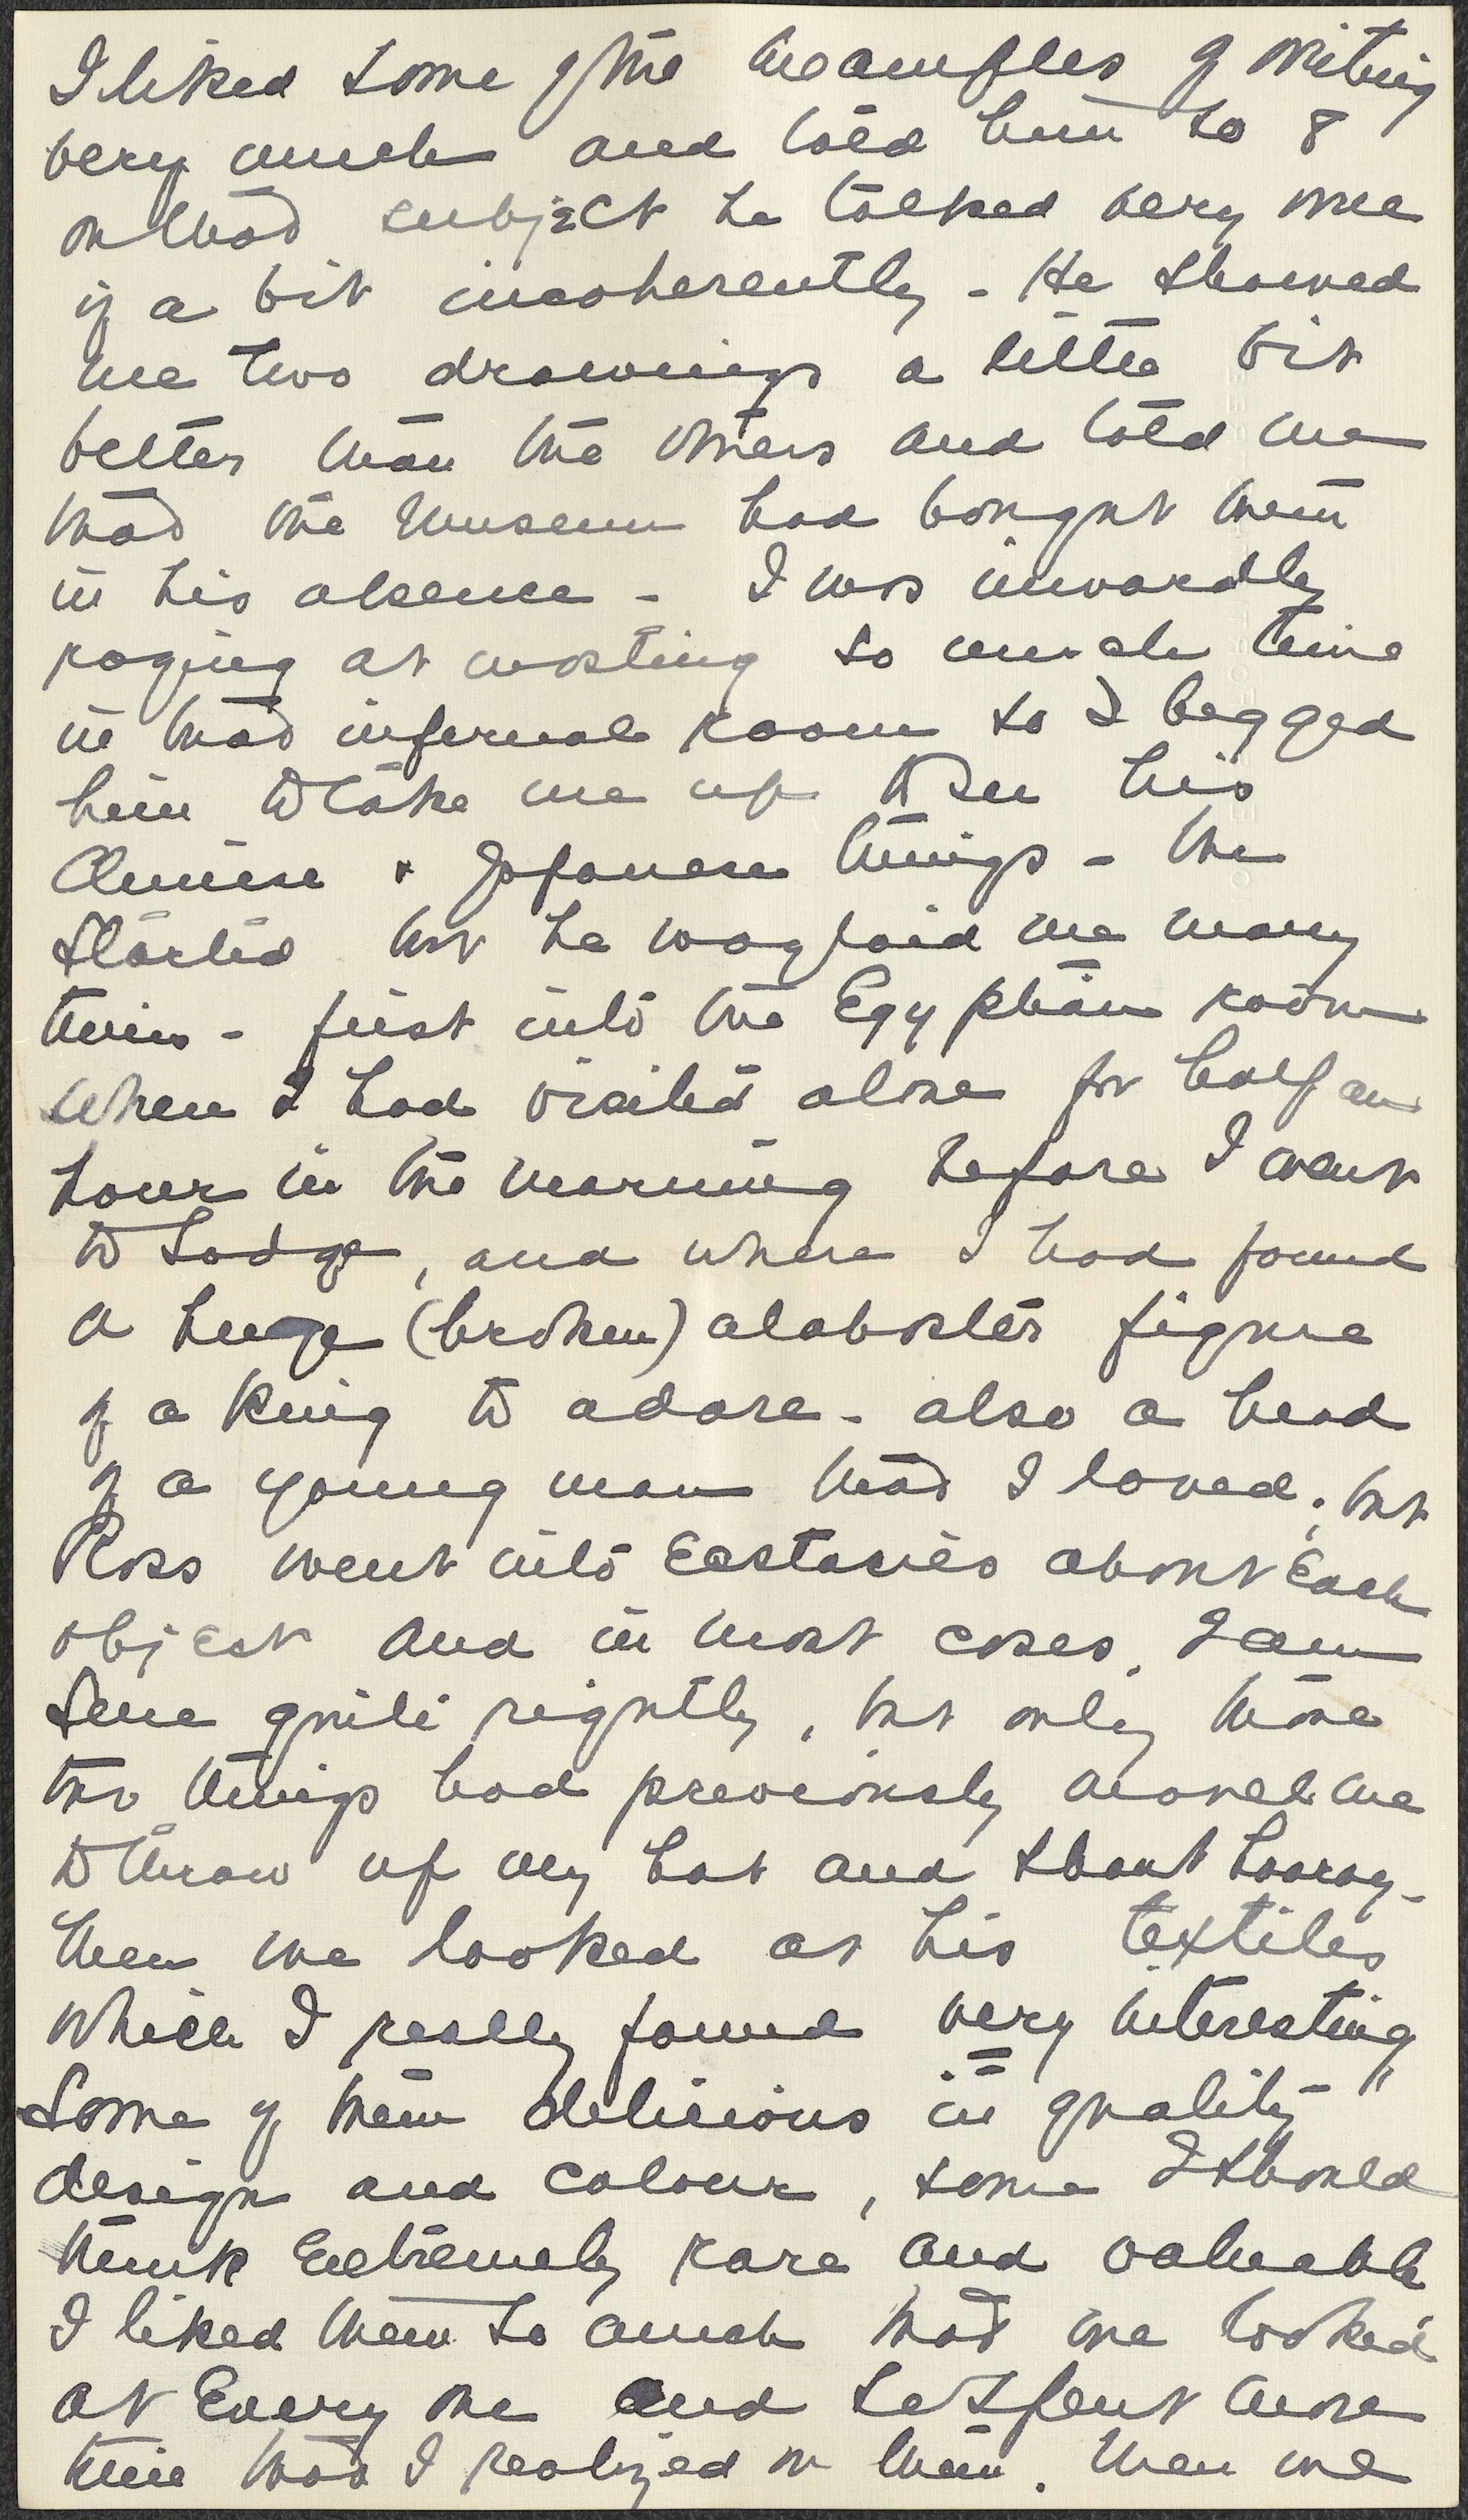I liked some of the examples of writing very much and told him so & on that subject he talked very well if a bit incoherently – He showed me two drawings a little bit better than the others and told me that the Museum had bought them in his absence – I was inwardly raging at wasting so much time in that infernal room so I begged him to take me up to see his Chinese & Japanese things – We started but he waylaid me many times– first into the Egyptian room where I had visited alone for half an hour in the morning before I went to Lodge, and where I had found a huge (broken) alabaster figure of a king to adore – also a head of a young man that I loved; but Ross went into ecstasies about each object and in most cases, I am sure quite rightly, but only those two things had previously moved me to throw up my hat and shout hooray – Then we looked at his textiles which I really found [double underlined: very] interesting, some of them delicious in quality design and colour, some I should think extremely rare and valuable I liked them so much that we looked at every one and so spent more time that I realized on them. Then we